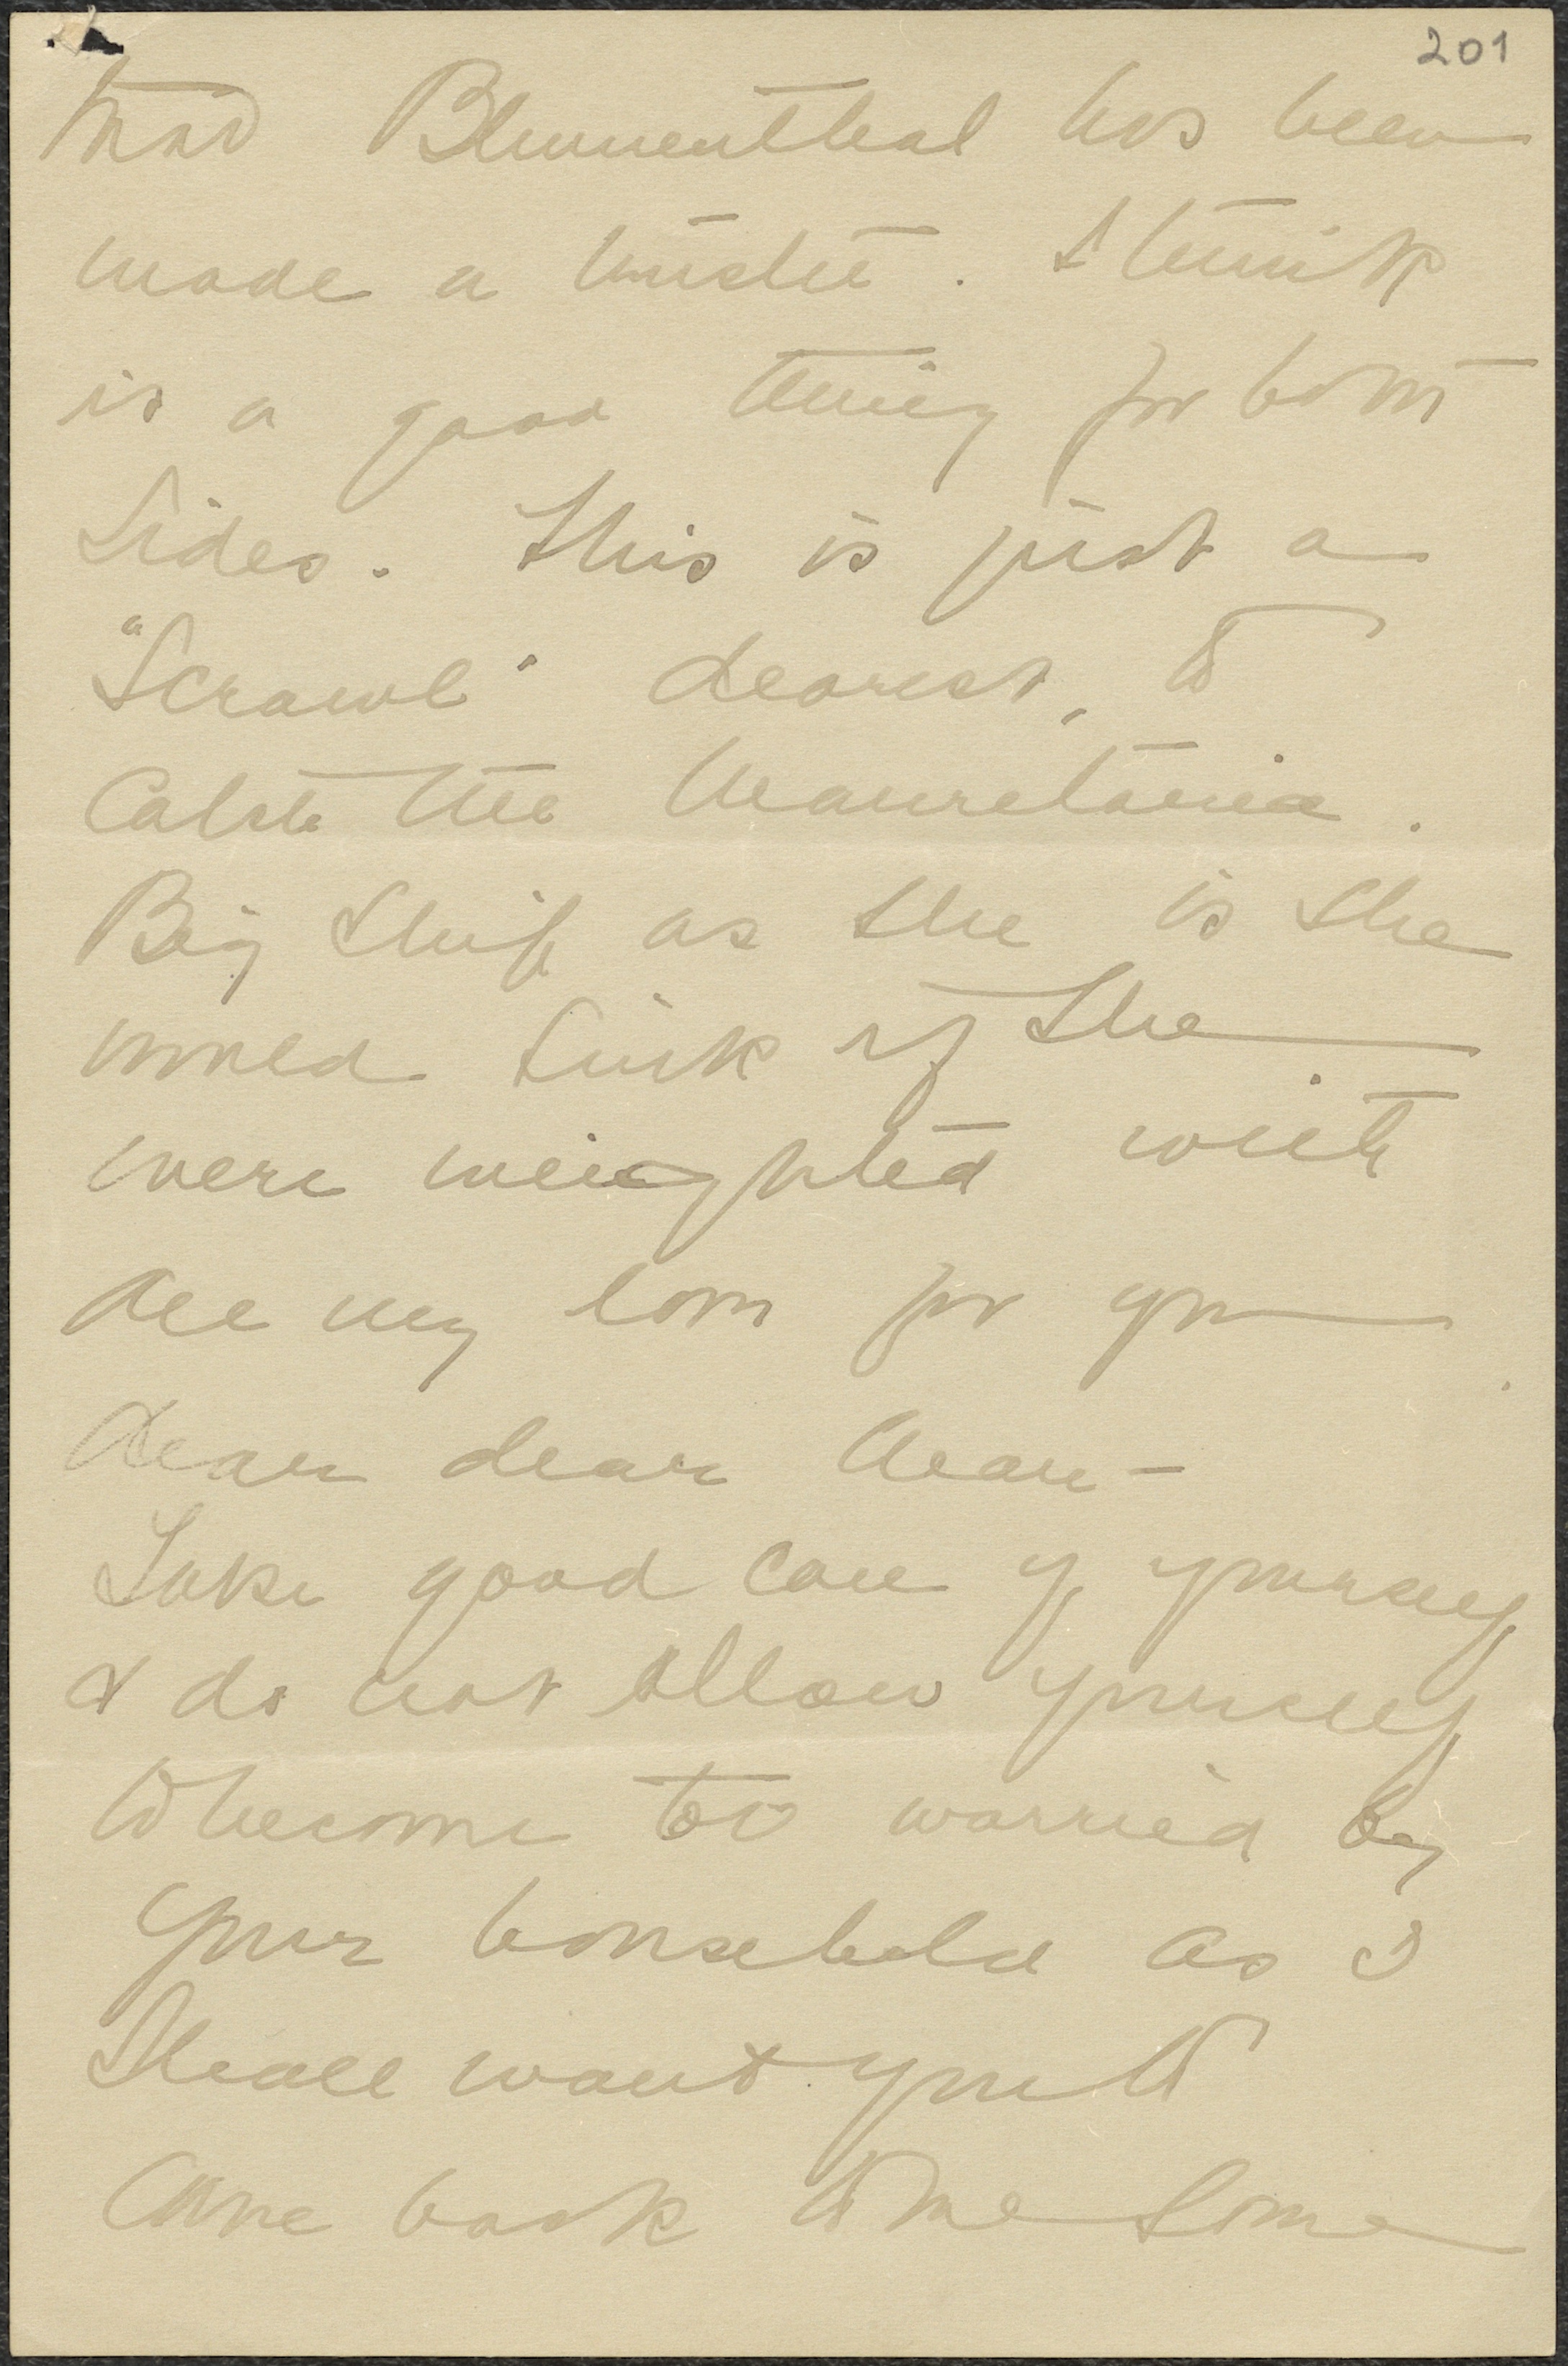that Blumenthal has been made a trustee. I think it a good thing for both sides – This is just a “scrawl” dearest, to catch the Mauretania. Big ship as she is she would sink if she were weighted with all my love for you
dear dear man –
Take good care of yourself & do not allow yourself to become too worried by your household as I shall want you to come back to me some